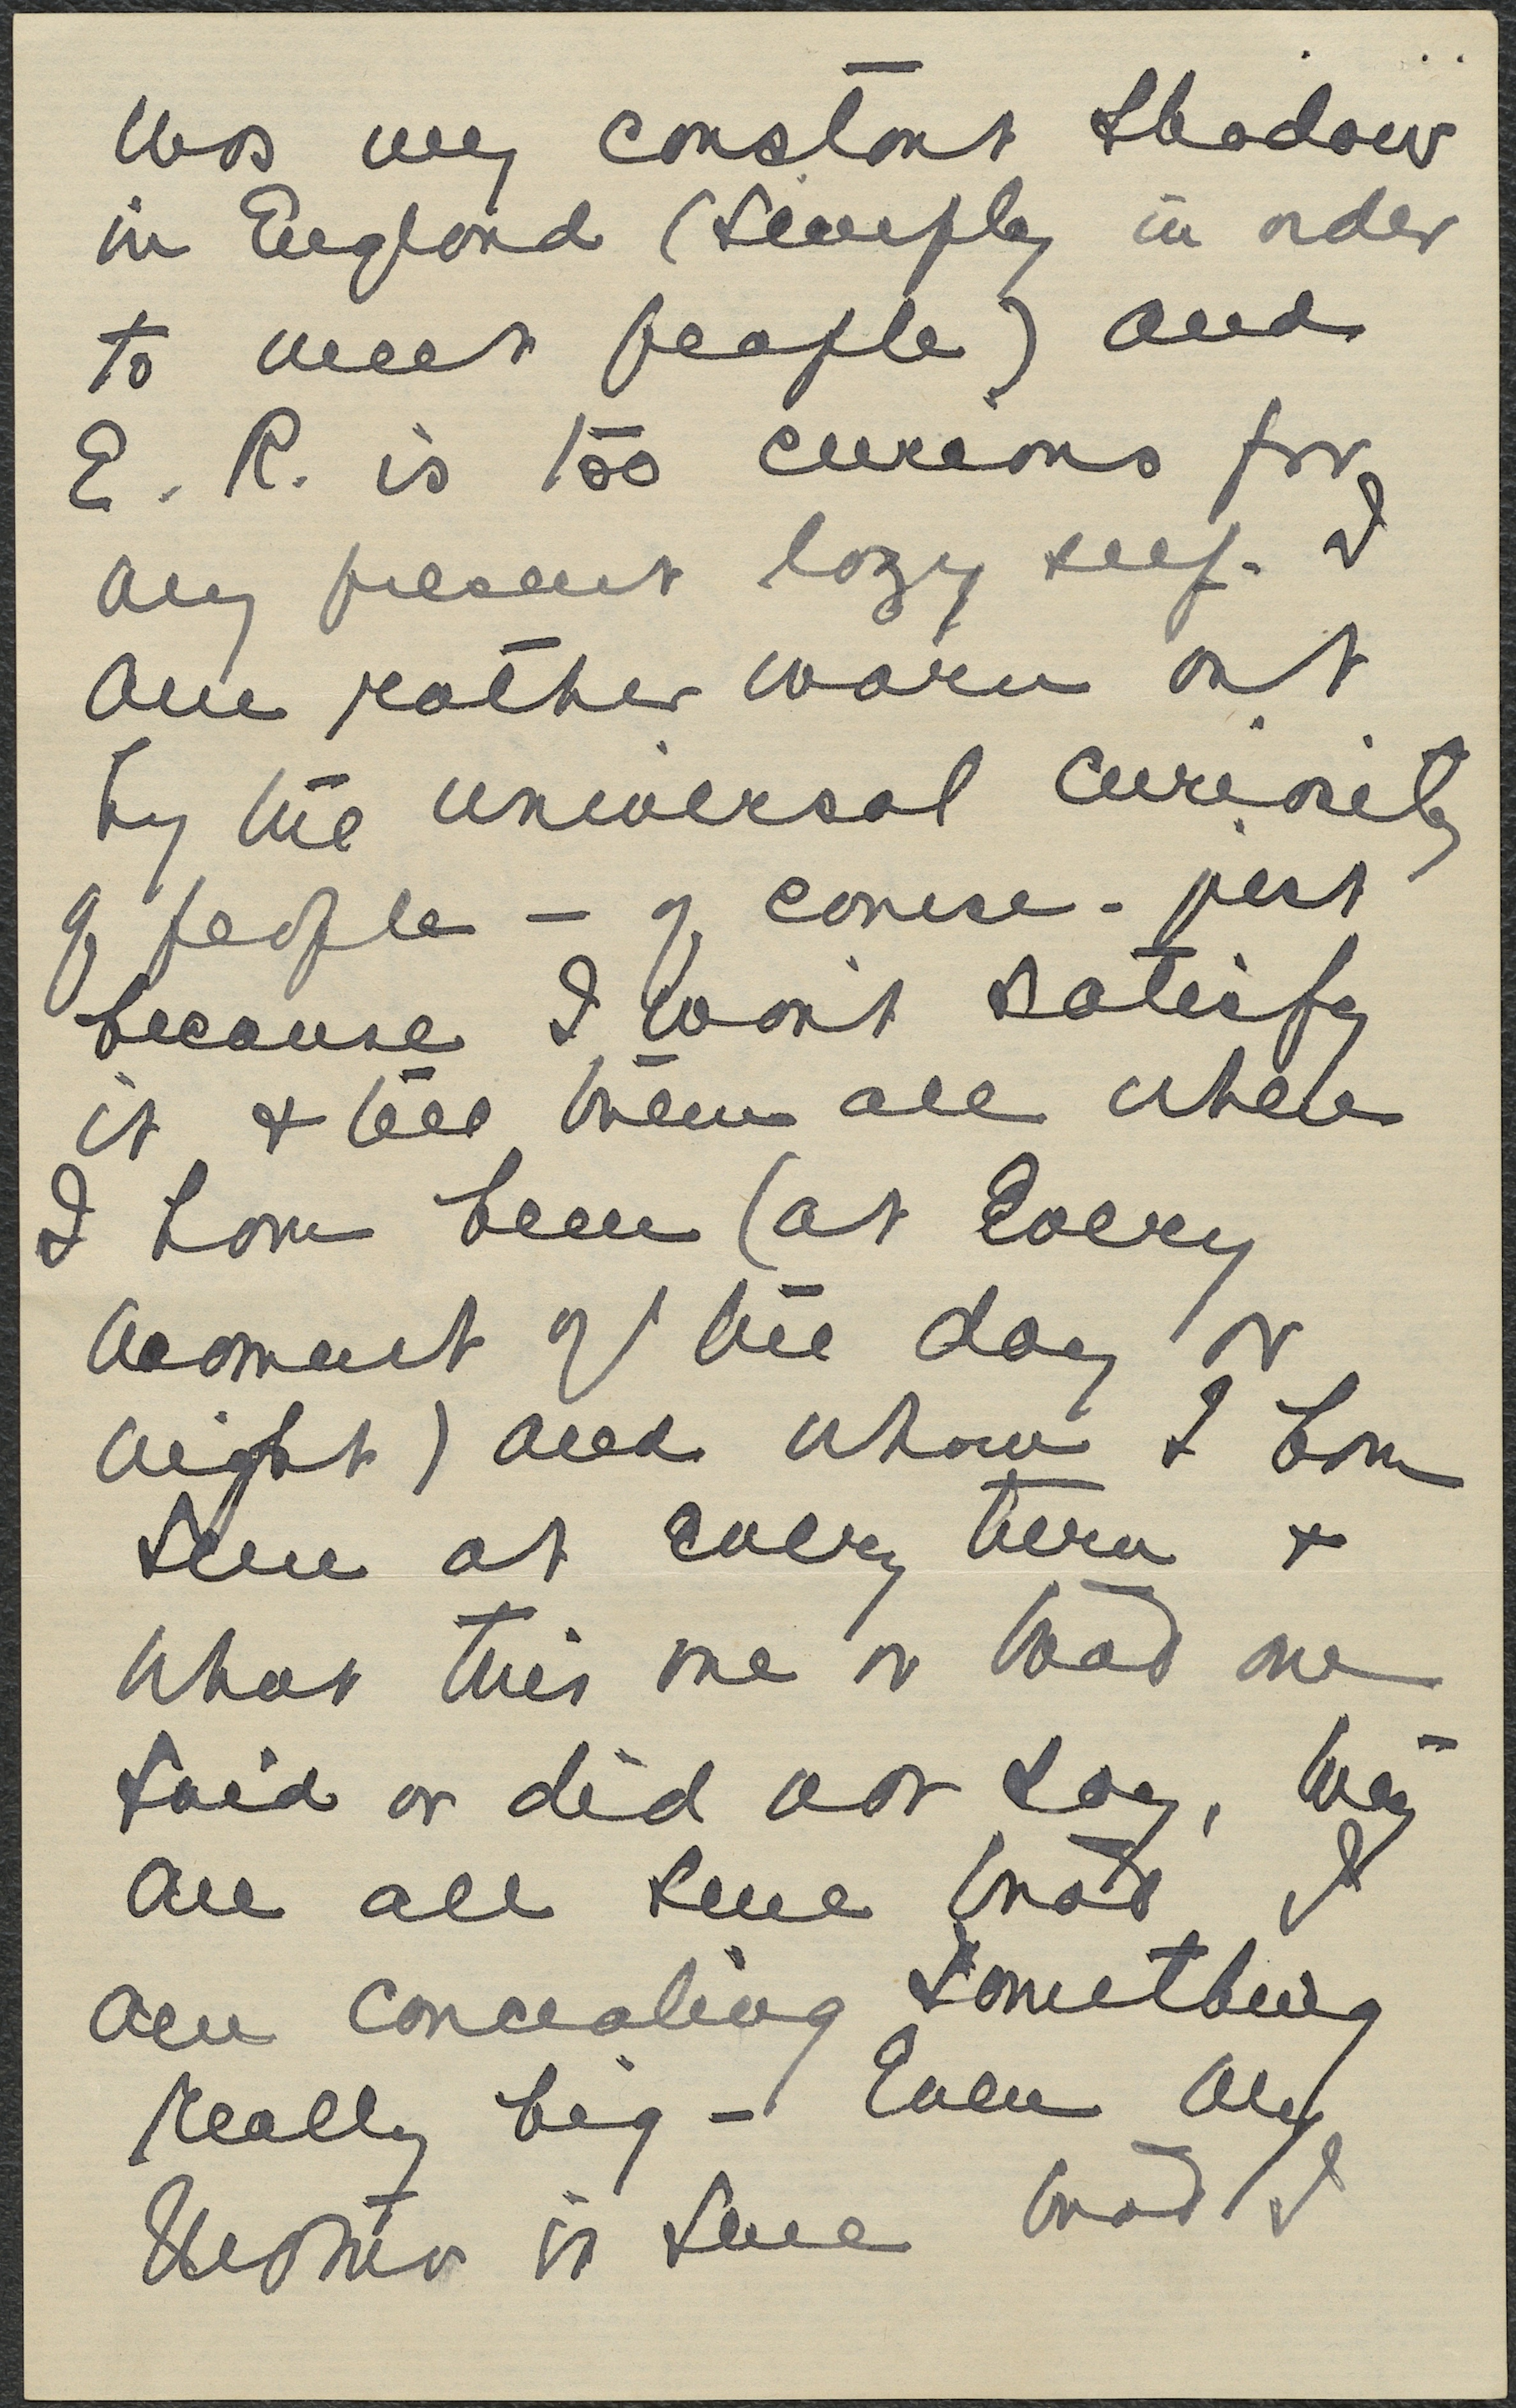was my constant shadow in England (simply in order to meet people) and E.R. is too curious for my present lazy self. I am rather worn out by the universal curiosity of people – of course, just because I won't satisfy it & tell them all where I have been (at every moment of the day or night) and whom I have seen at every turn & what this one or that one said or did not say, they are all sure that I am concealing something really big – even my Mother is sure had I